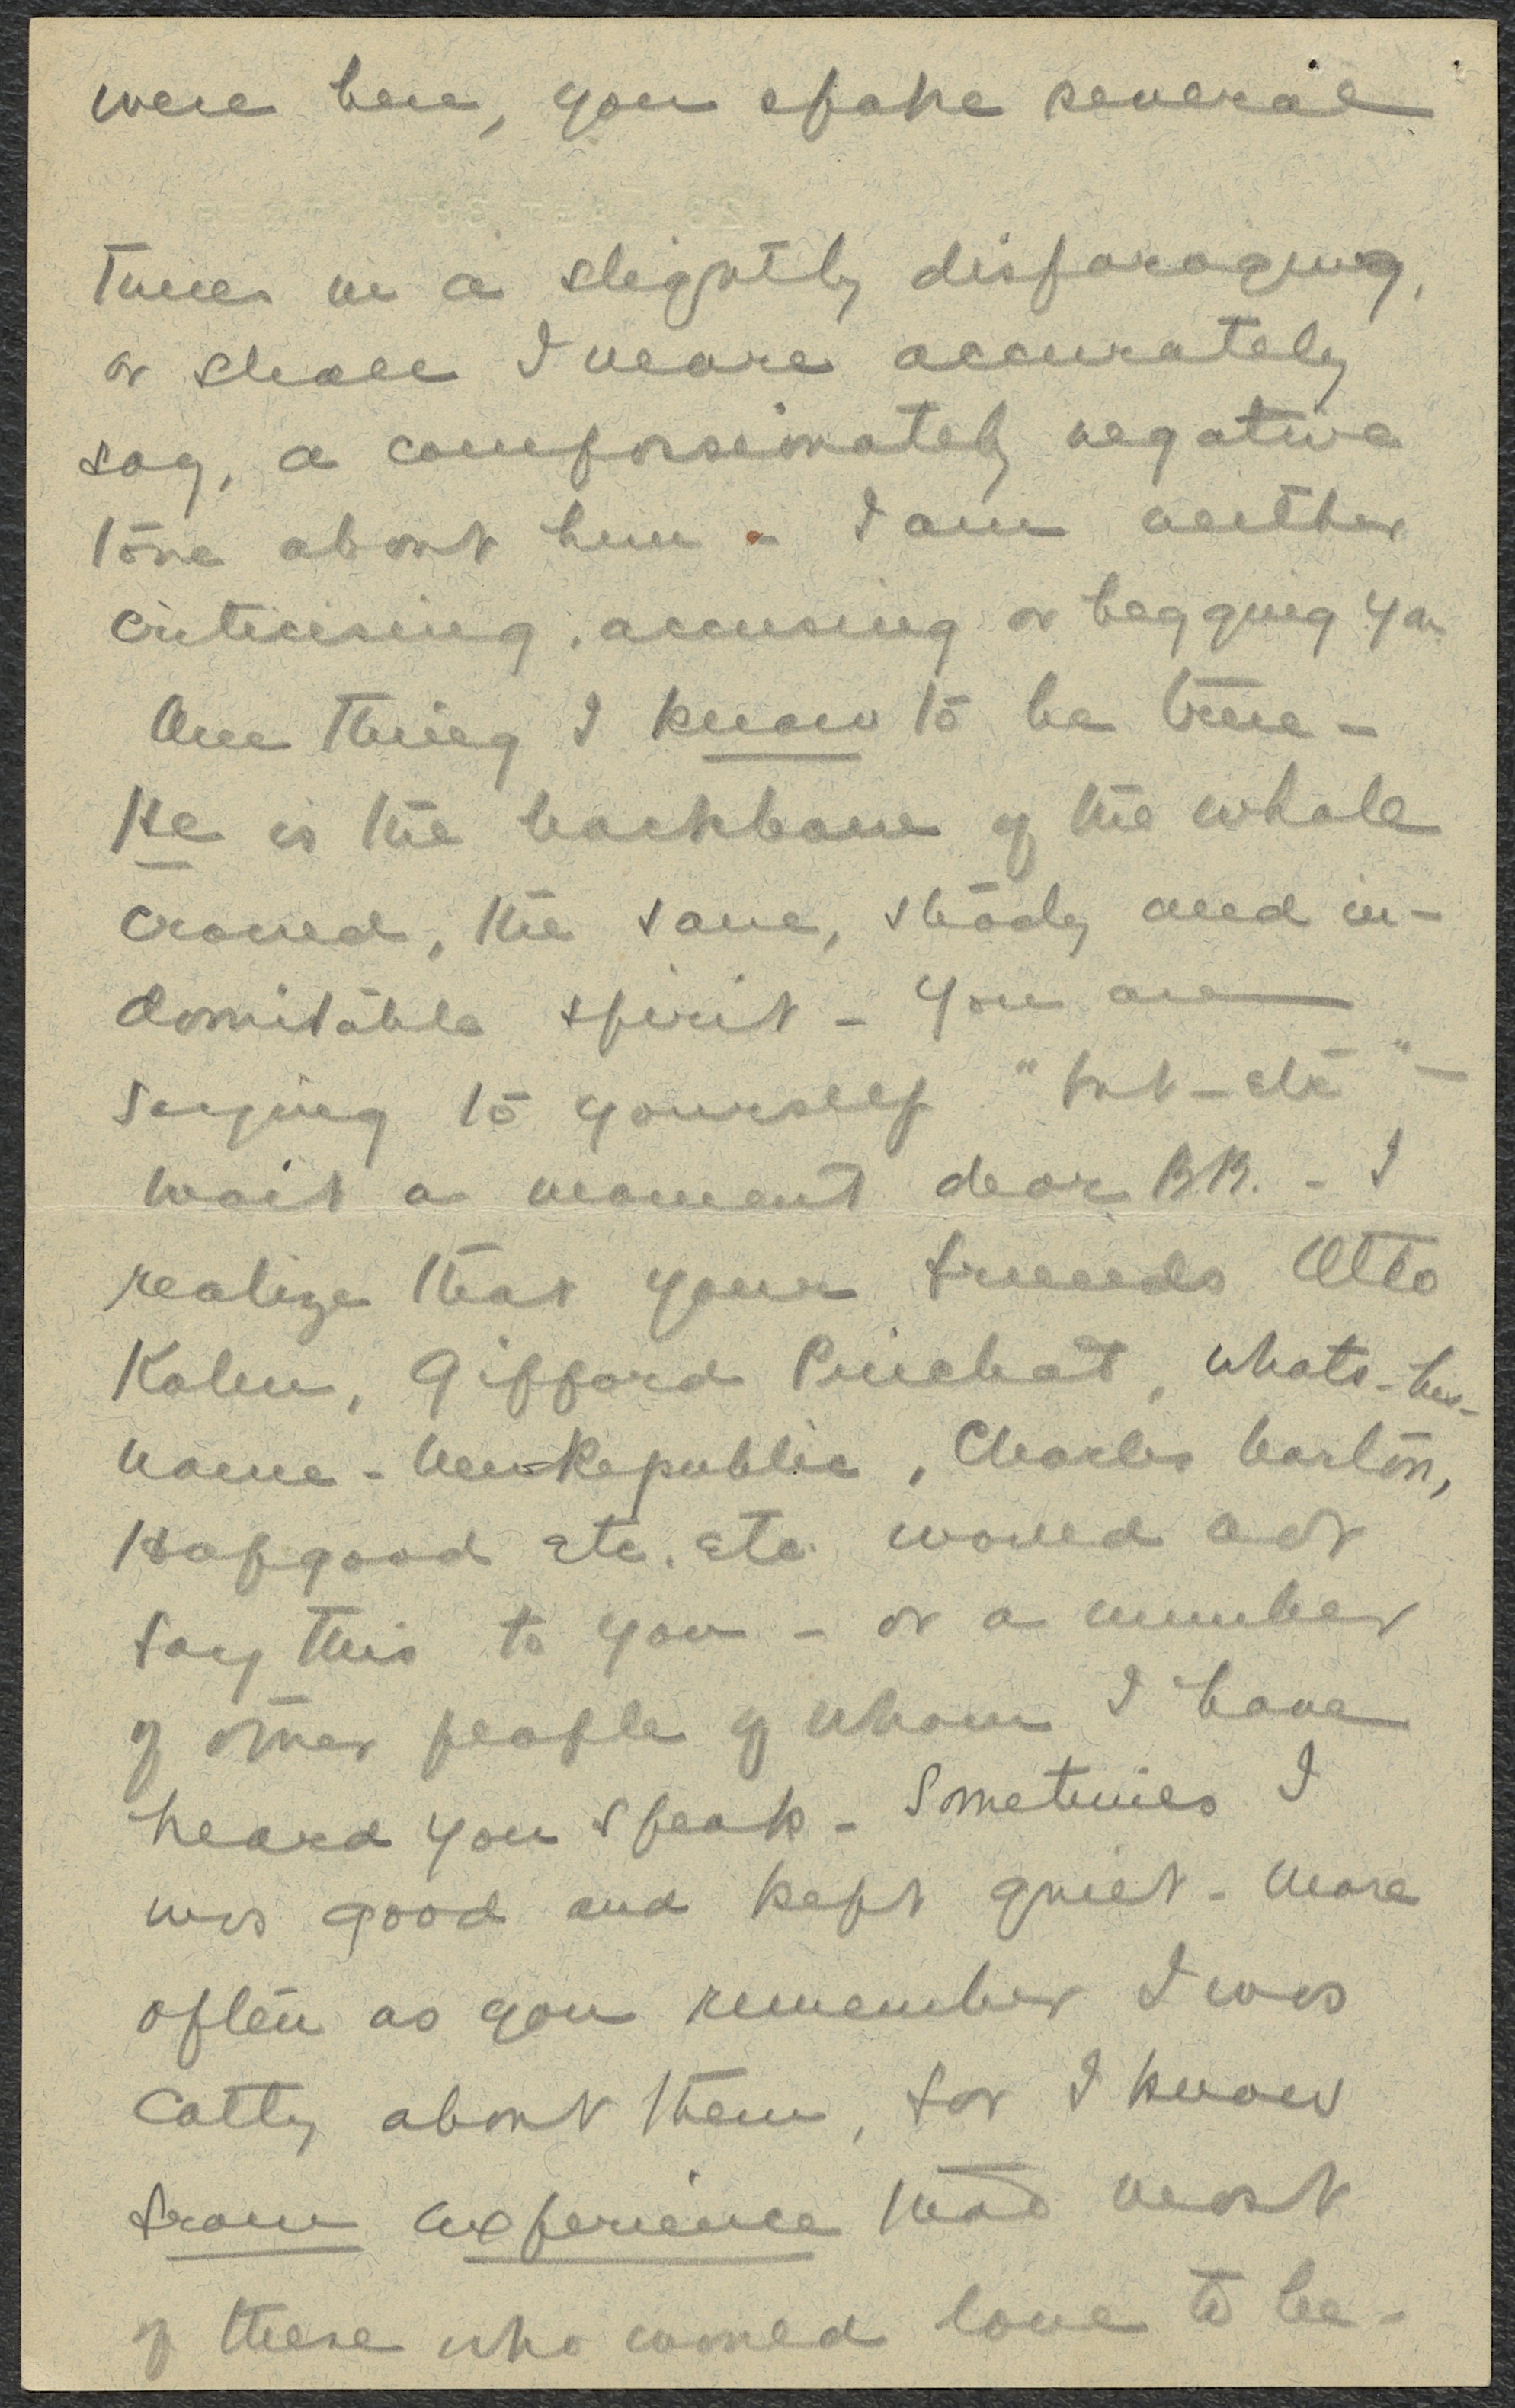were here, you spoke several time in a slightly disparaging or shall I near accurately say, a compassionately negative tone about him – I am neither criticizing, accusing or begging you
One thing I know to be true – He is the backbone of the whole crowd, the sane, steady and indomitable spirit – You are staying to yourself “but-etc” – wait a moment dear B.B. – I realize that your friends Otto Kahn, Gifford Prichot, whats-his-name-new-republic, Charles Horton, Hopgood etc. etc. would not say this to you – or a number of other people of whom I have heard you speak – sometimes I was good and kept quiet – more often as you remember I was catty about them, for I know from experience that most of these who would love to belittle